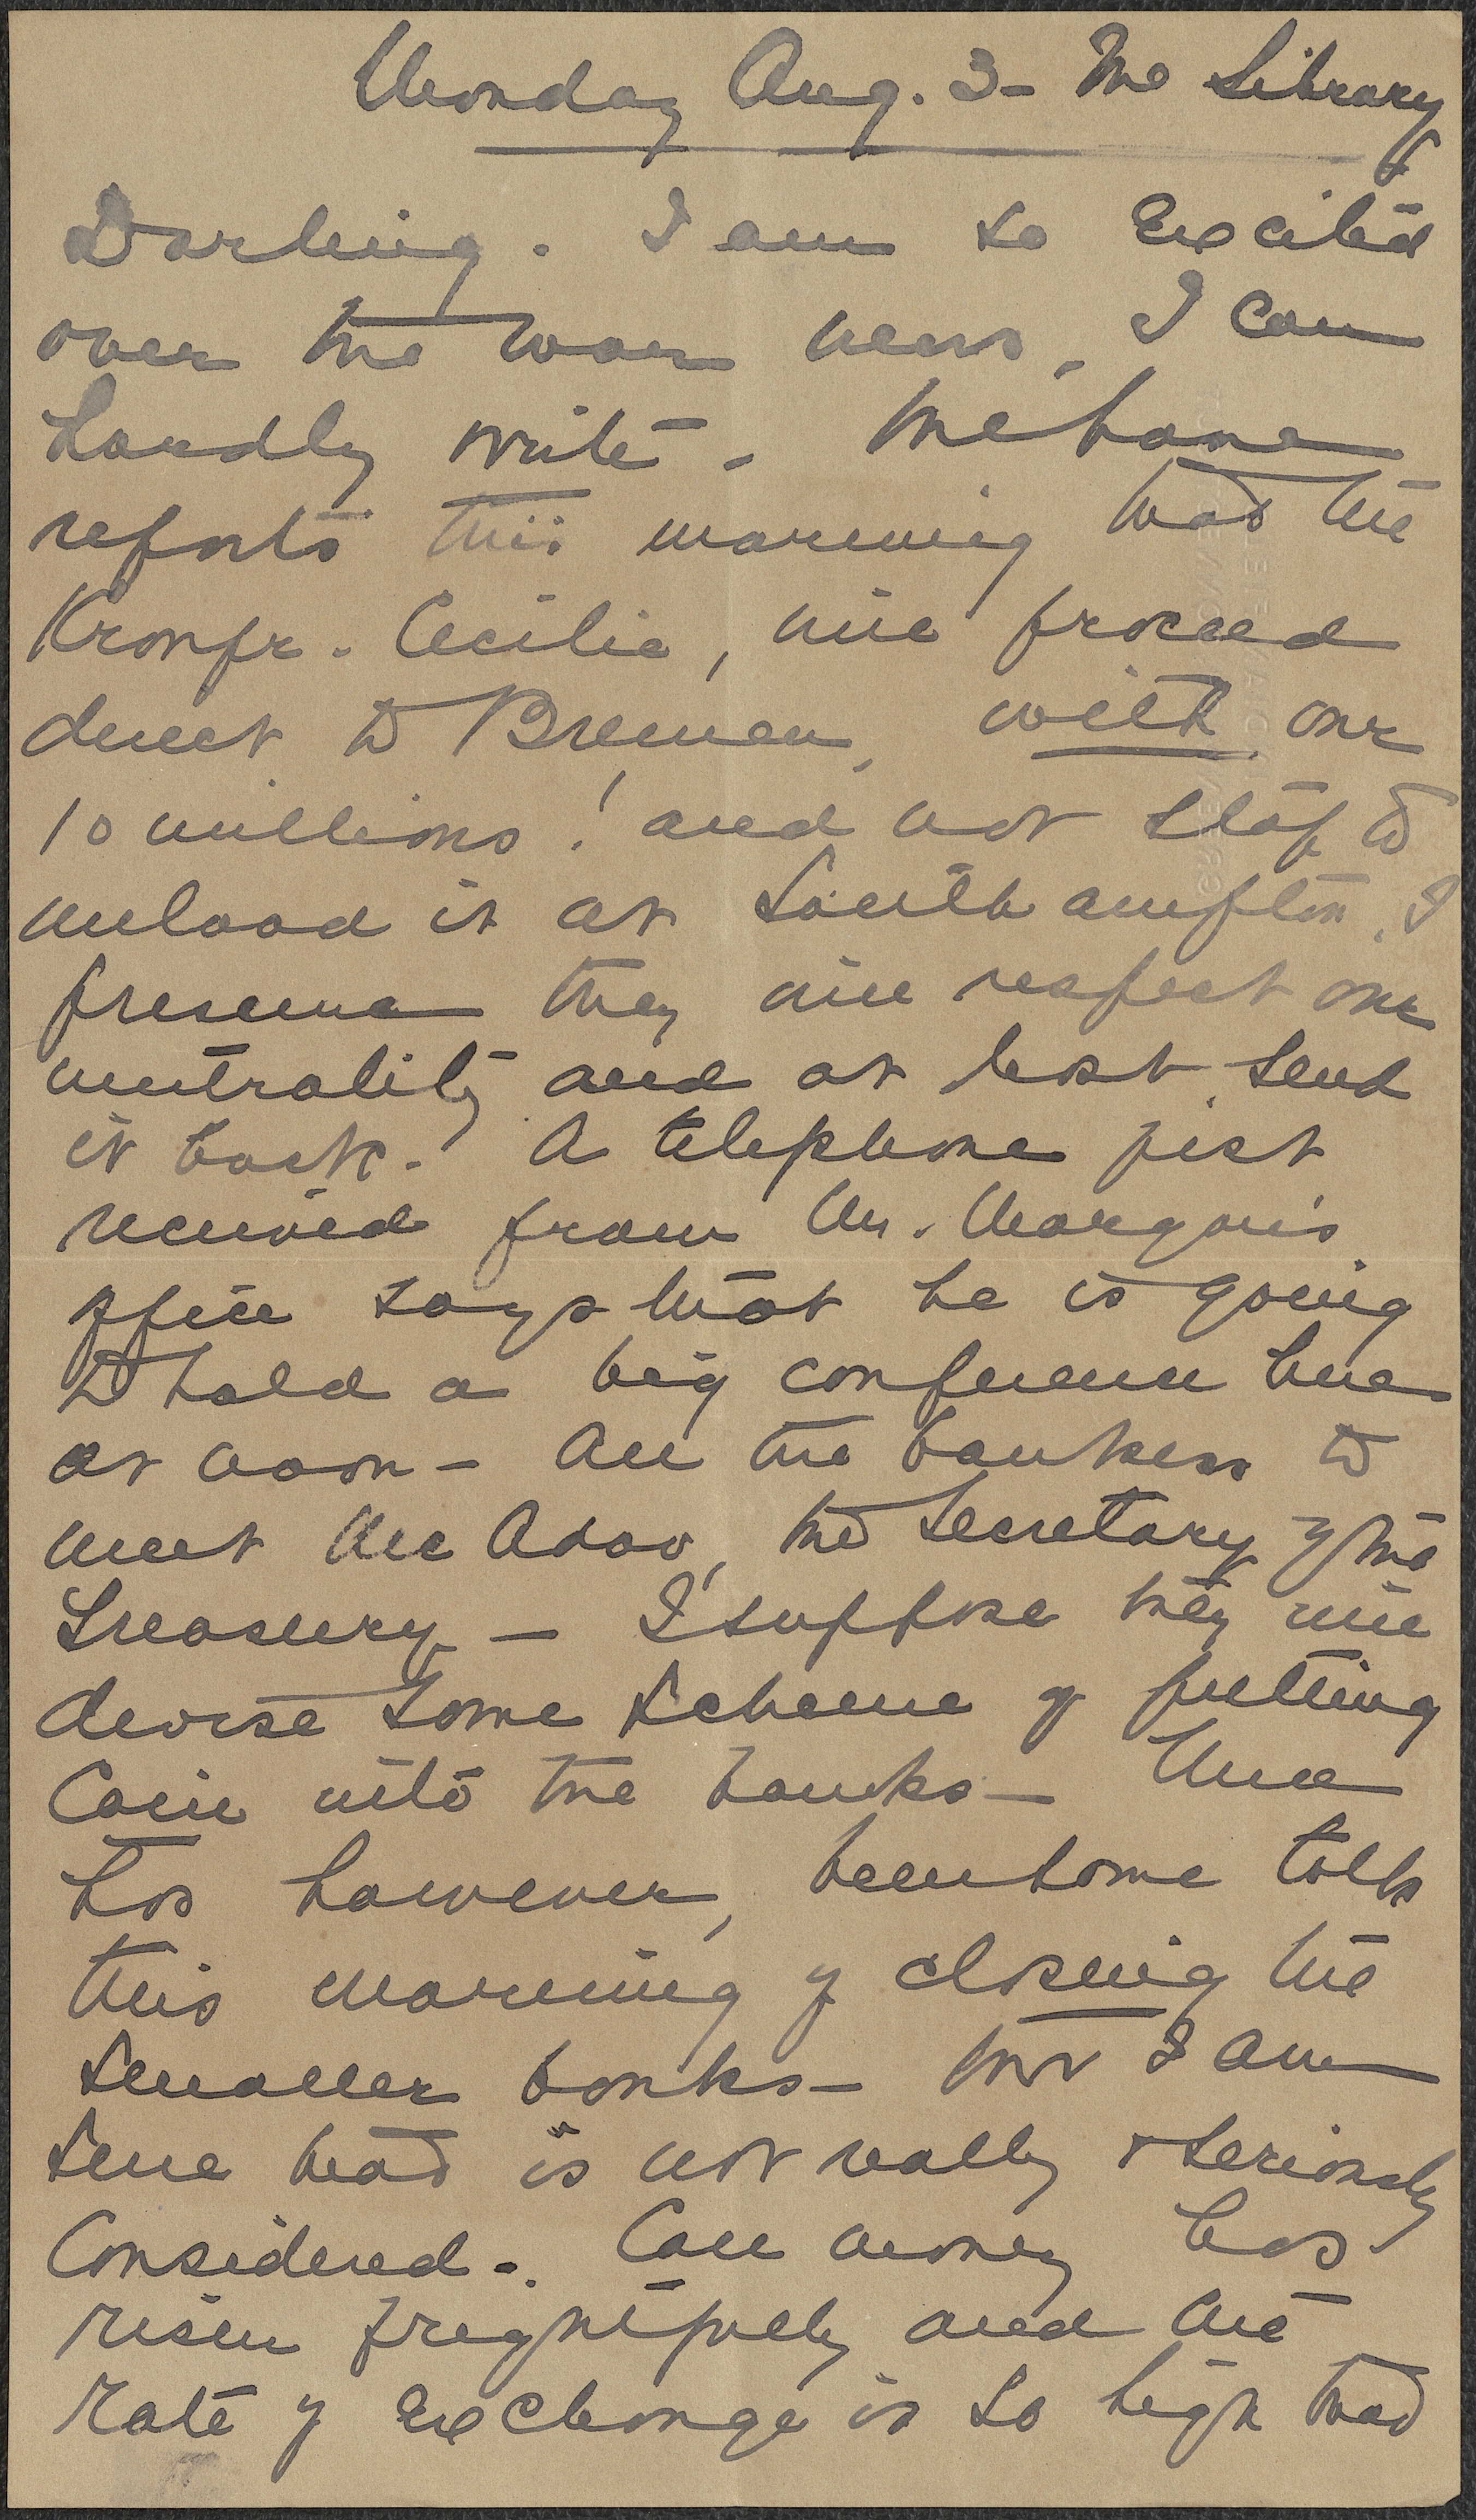Monday Aug. 3 – the Library
Darling – I am so excited over the war news, I can hardly write, we have reports this morning that the Kronpr. Cecilie, will proceed direct to Bremen, with our 10 millions! and not stop to unload it at Southampton. I presume they will respect our neutrality and at least send it back. A telephone just received from Mr. Morgan’s office says that he is going to hold a big conference to meet McAdoo, the Secretary of the Treasury – I suppose they will devise some scheme of putting coin into the banks – There has however been some talk this morning of closing the smaller banks – but I am sure that is not really & seriously considered – all money has risen frightfully and the rate of exchange is so high that